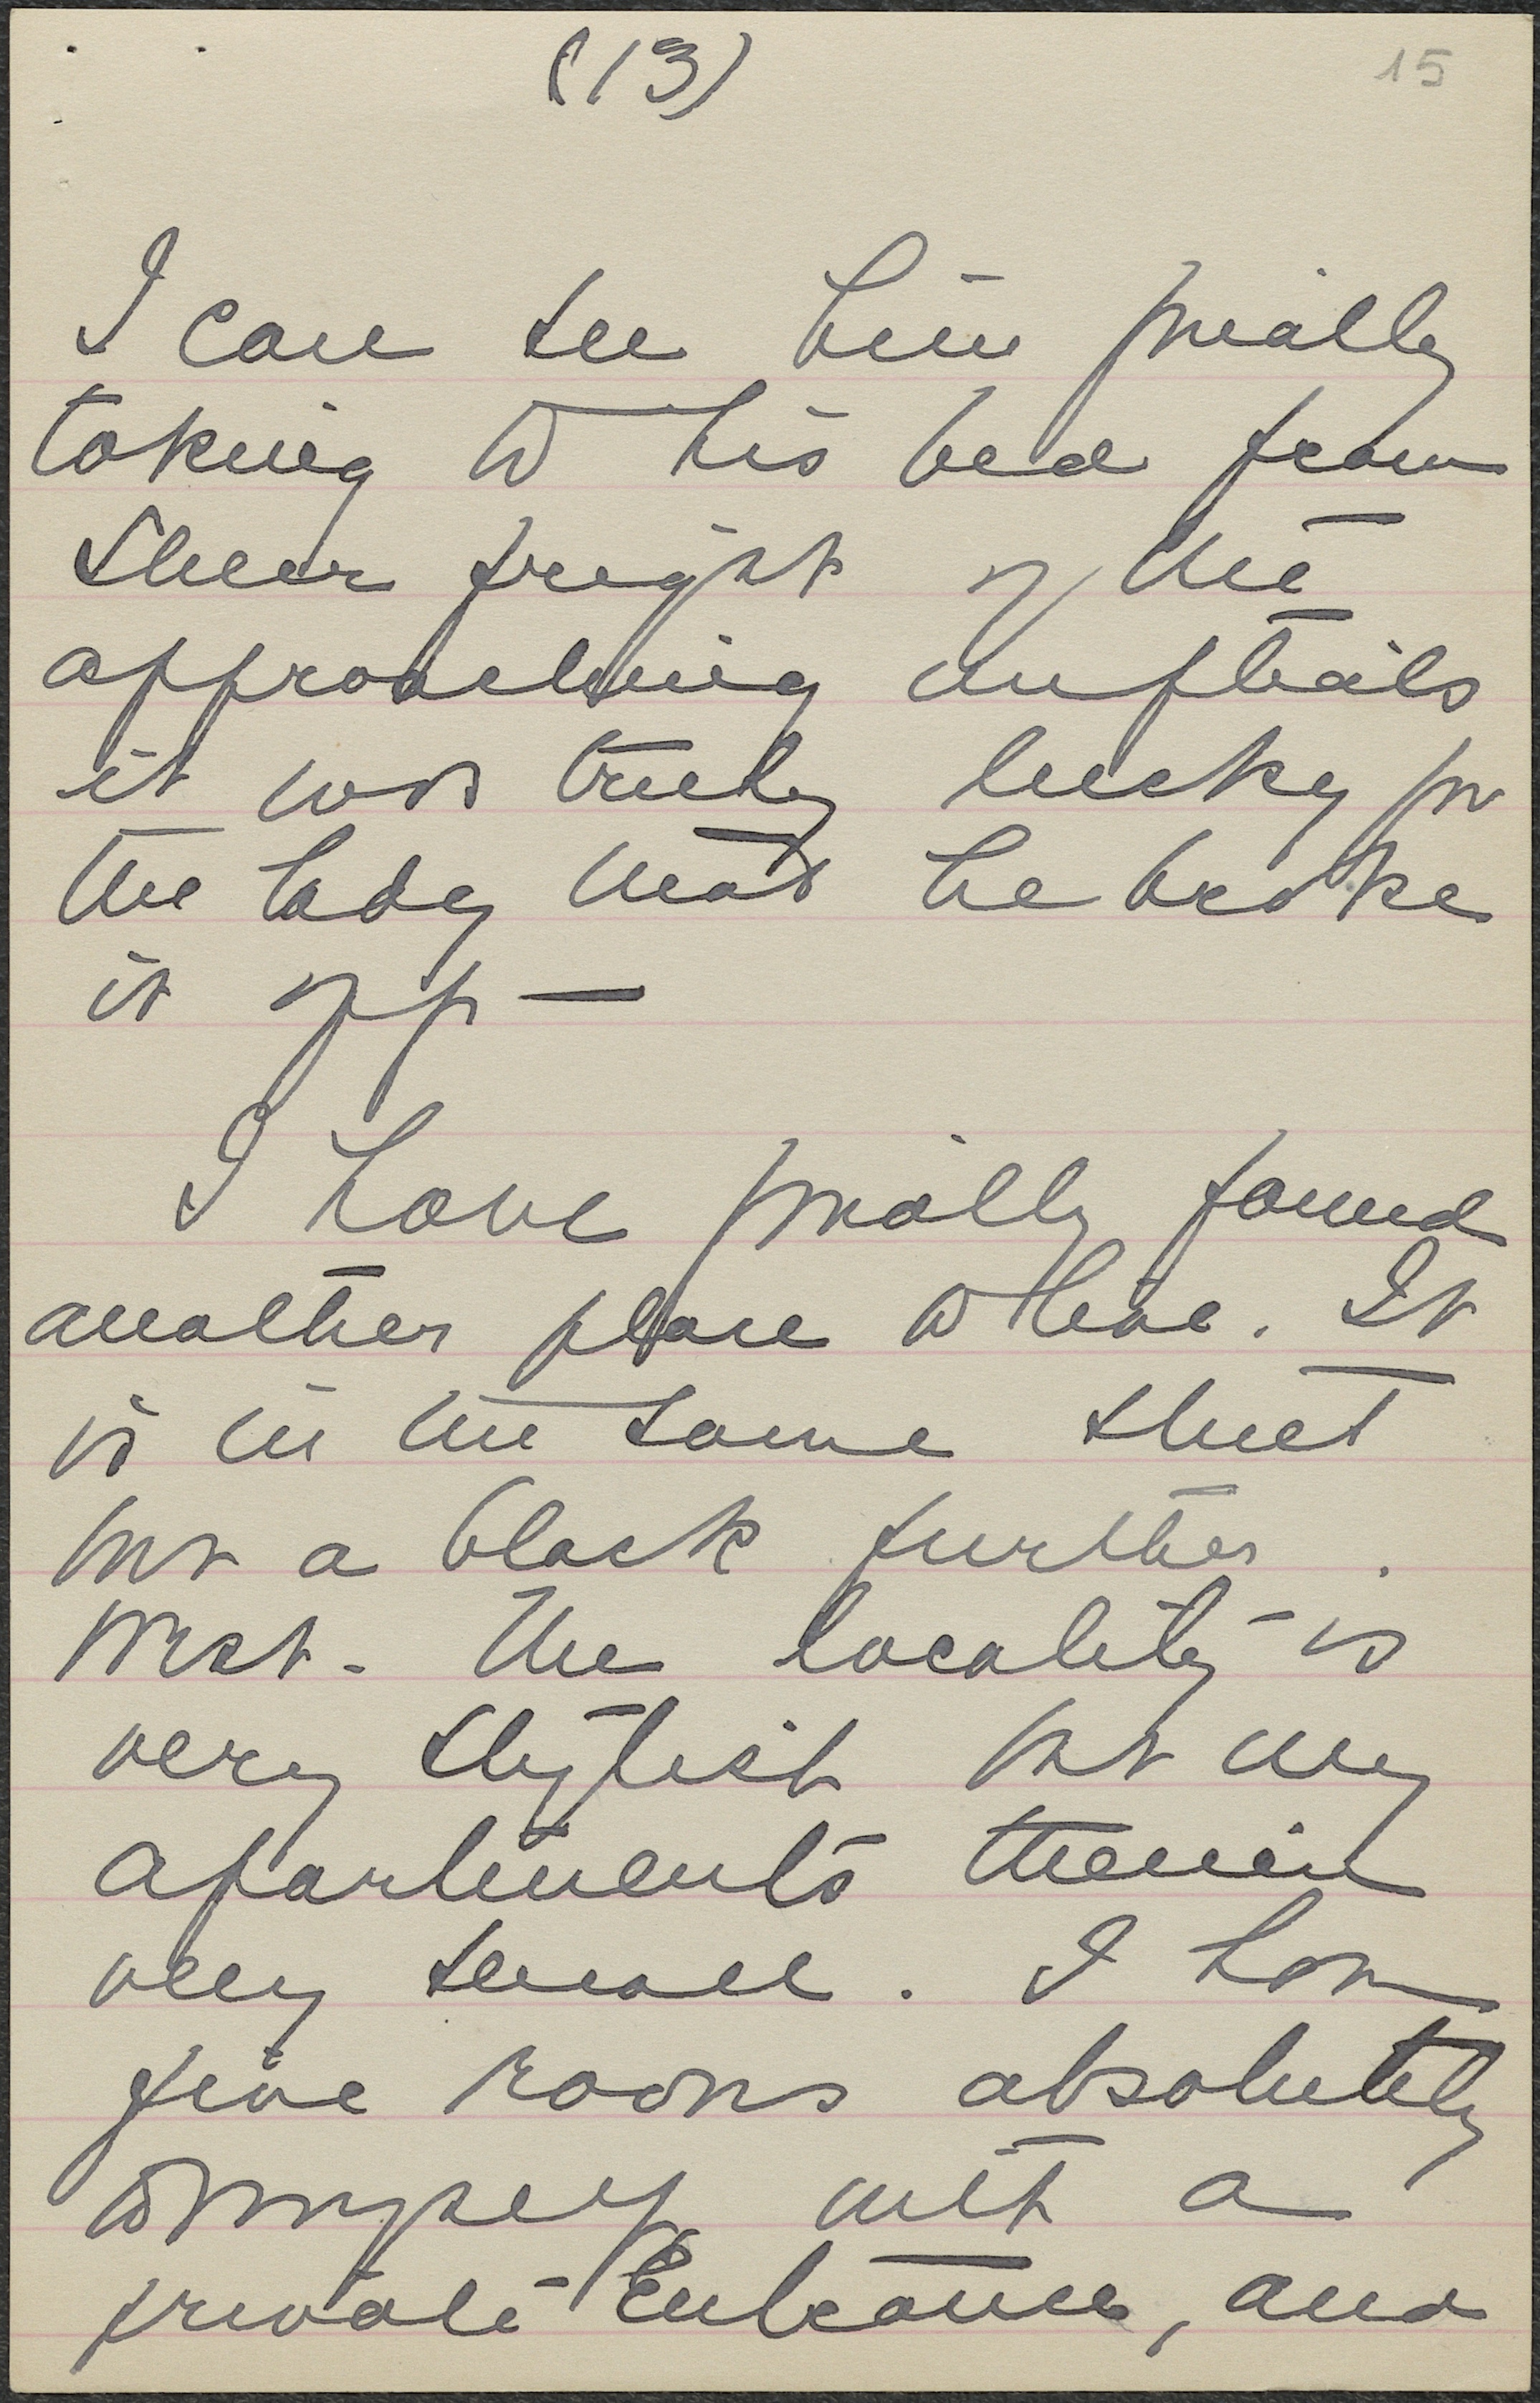(13)
I can see him finally taking to his bed from sheer fright of the approaching nuptials it was truly lucky for the lady that he broke it off –
I have finally found another place to live. It is in the same street but a block further west. The locality is very stylish but my apartments therein very small. I have five rooms absolutely to myself with a private entrance, and